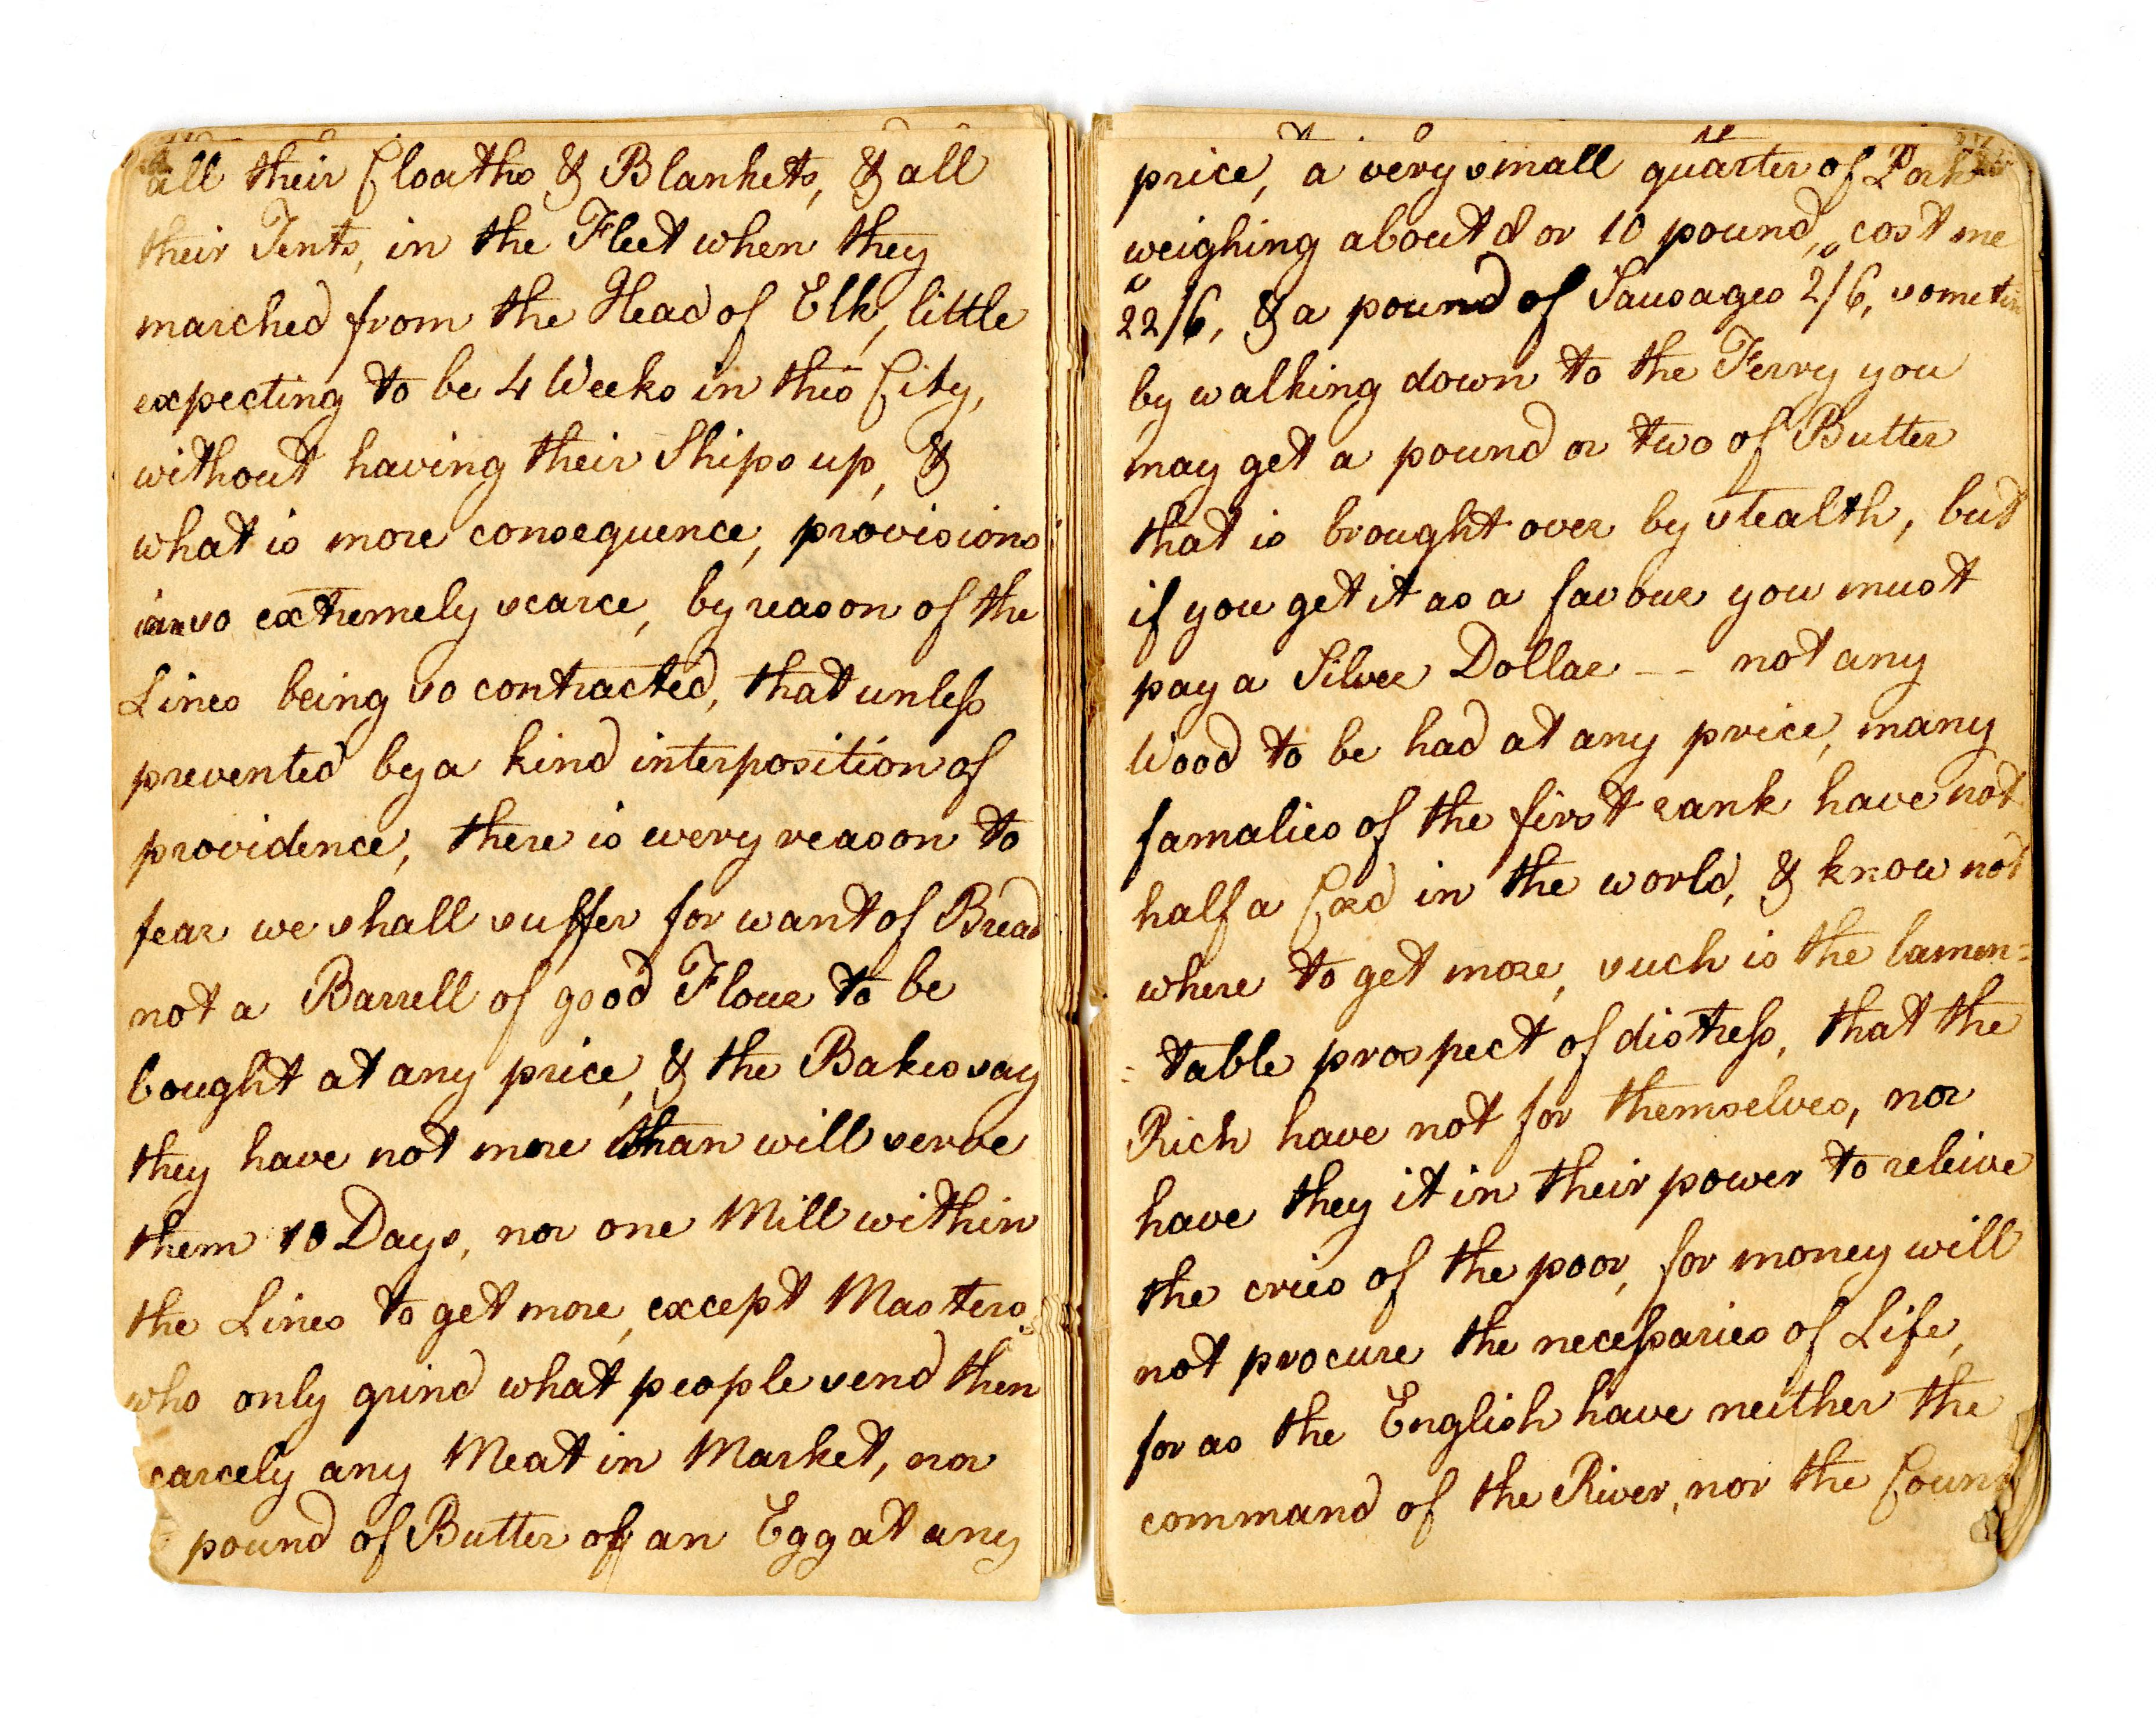all their Cloaths & Blankets, & all
their Tents in the Fleet when they
marched from the Head of Elk little
expecting to be 4 Weeks in this City,
without having their Ships up &
what is more consequence, provisions
in so extremely scarce, by reason of the
Lines being so contracted, that unless
prevented by a kind interposition of
providence, there is every reason to
fear we shall suffer for want of Bread
not a Barrell of good Flour to be
bought at any price & the Bakes say
they have not more than will serve
them 10 Days nor one Mill within
the Lines to get more, except Masters
who only grind what people send then
carcely any Meat in Market, nor
pound of Butter of an Egg at any
price, a very small quarter of Pork
weighing about 8 or 10 pound, cost me
22s6, & a pound of Sausages 2s 6sometin
by walking down to the Ferry you
may get a pound or two of Butter
that is brought over by stealth, but
if you get it as a favour you must
pay a Silver Dollar-- not any
Wood to be had at any price, many
famalies of the first rank have not
half a Cord in the world, & know not
where to get more such is the lamen-
-table prospect of distress, that the
Rich have not for themselves, nor
have they it in their power to releive
the cries of the poor for money will
not procure the necessaries of Life,
for as the English have neither the
command of the River, nor the Coun